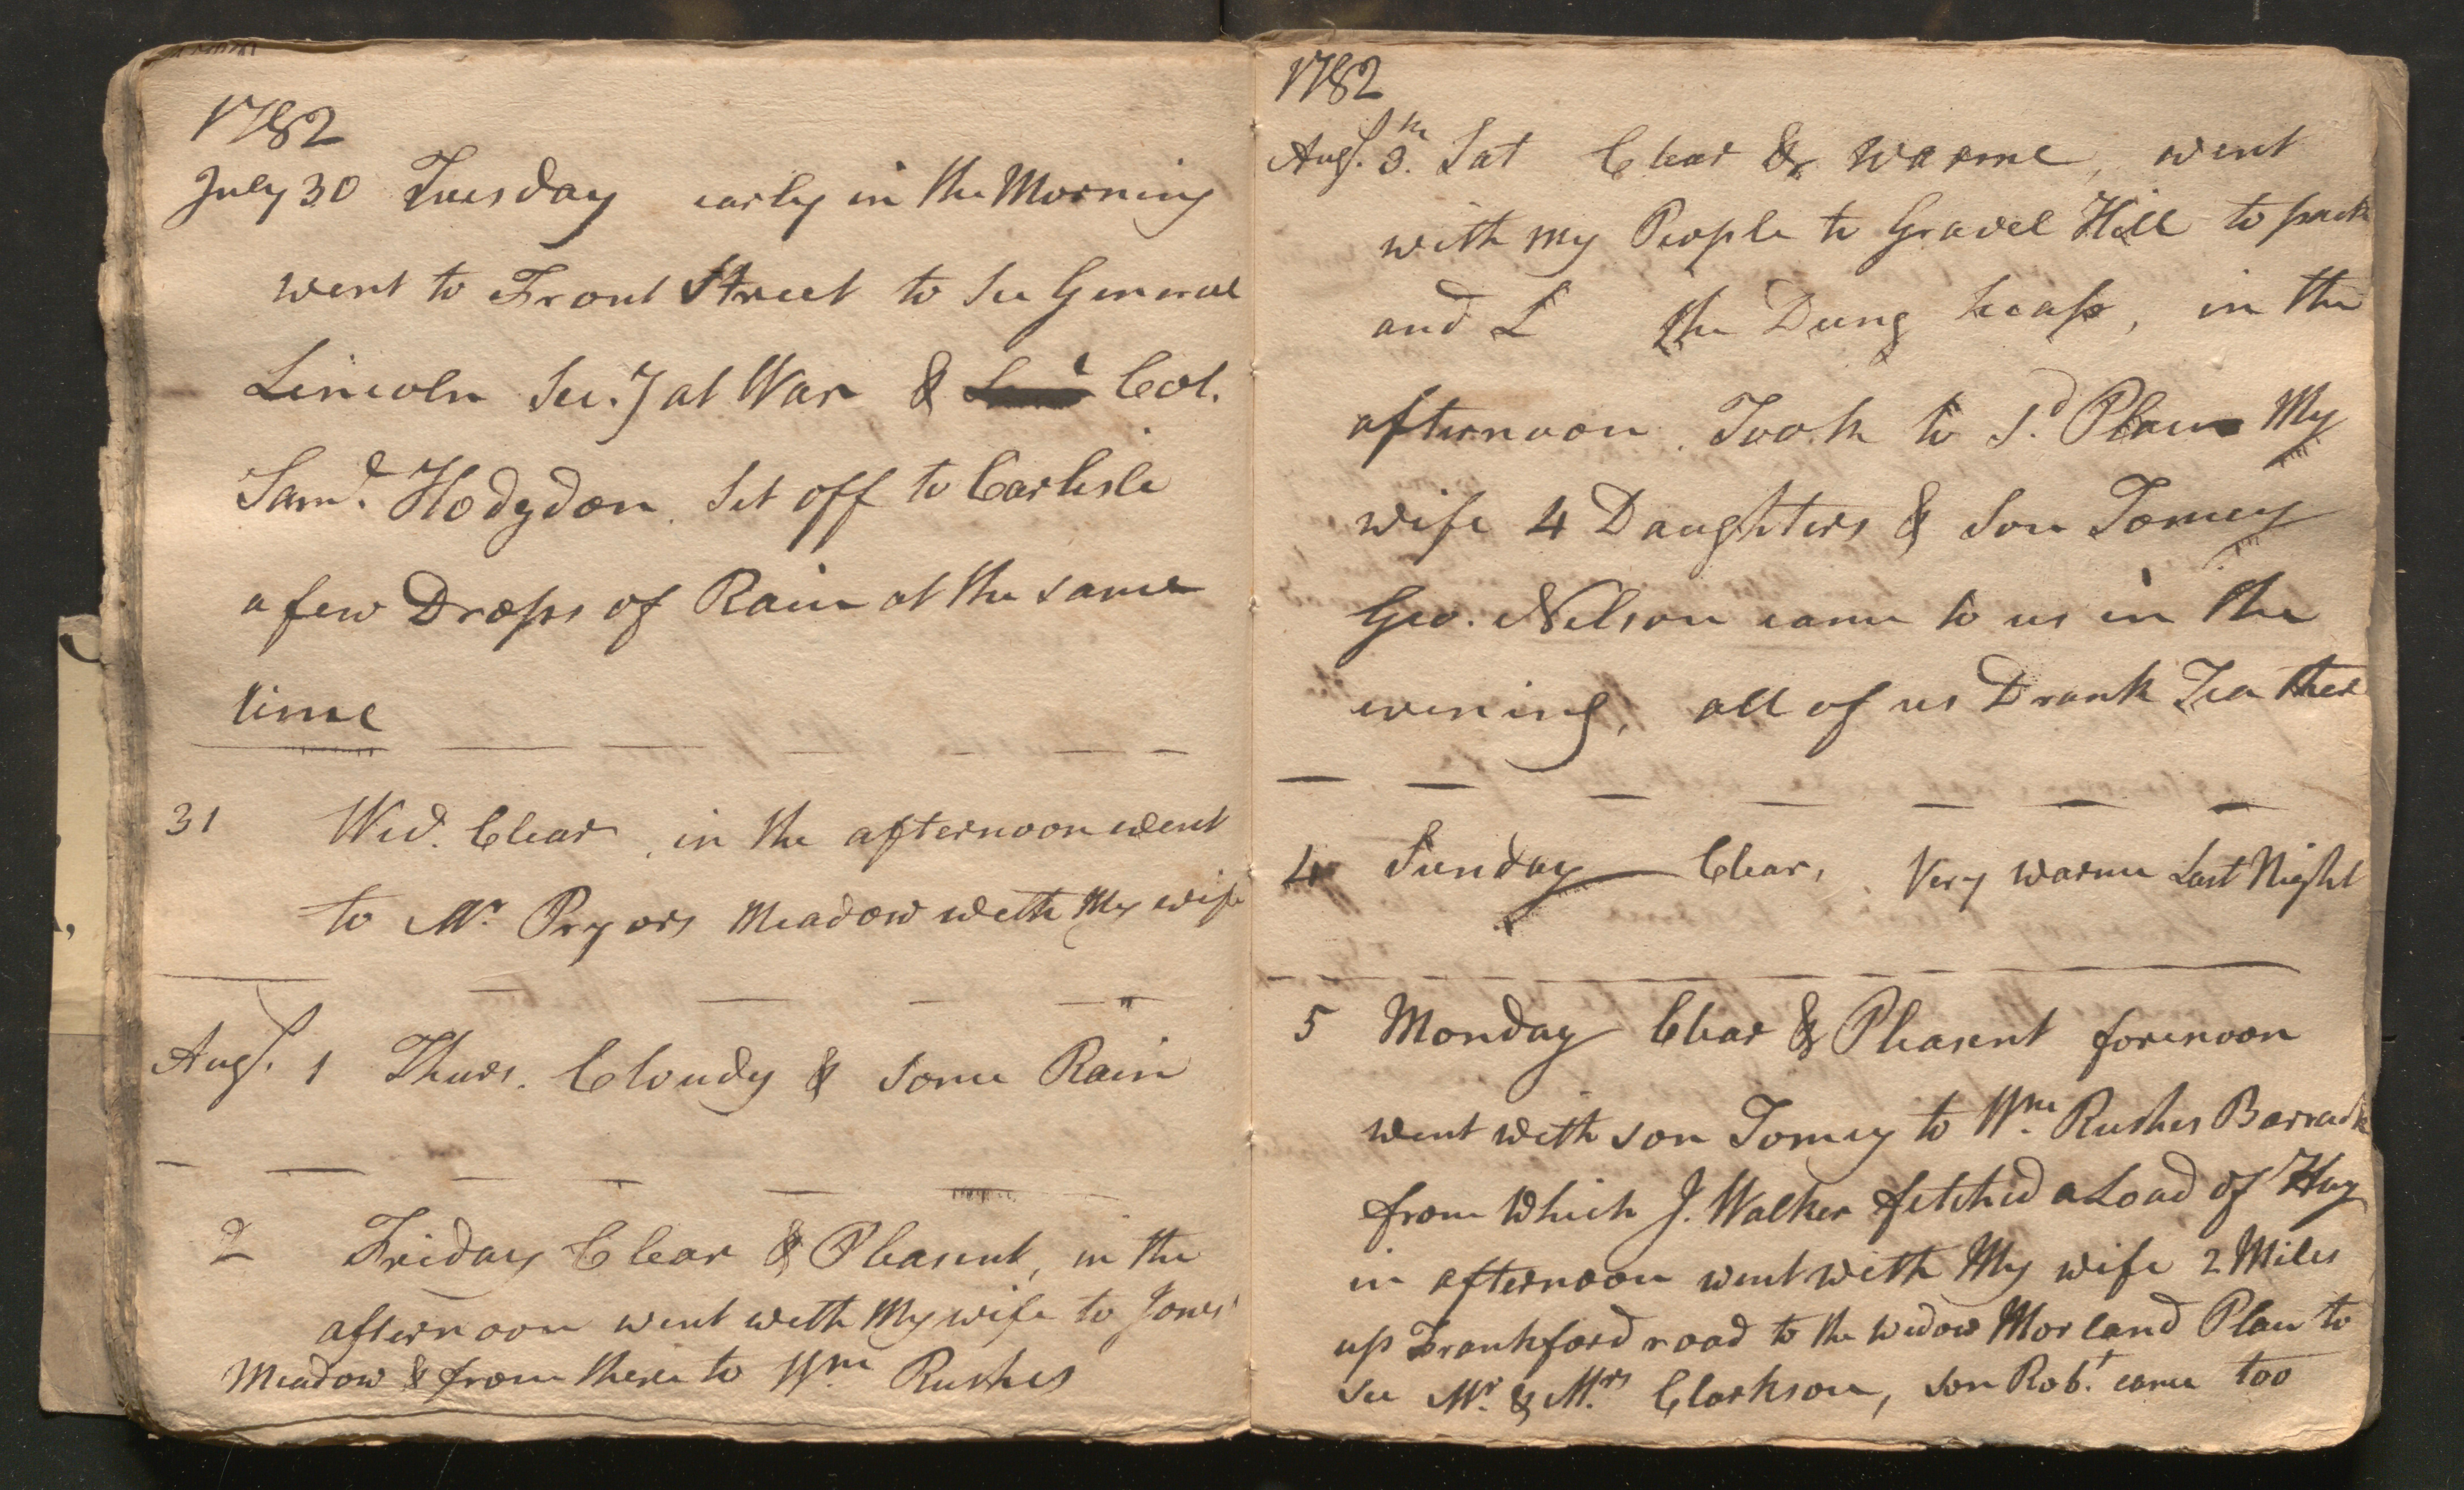1782
July 30 Tuesday early in the Morning
went to Front Street to see General
Linioln Sec^y. at War & [_____] Col.
Sam^l. Hodgdon Set off to Carlisle
a few Drops of Rain at the same
time
31 Wed. Clear in the afternoon went
to M^r. Pryors Meadow with My wife
Aug^t. 1 Thars. Cloudd, & some Rain
2 Friday Clear & Pleasent in the
afternoon went with My wife to Jones
Meadow & from there to W^m. Rushes
1782
Aug^t. 3. Sat Clear & warme, went
with My People to Gravel Hill to pack
and L the Dung heap, in the
afternoon. Took to s^d. Place My
wife 4 Daughters & son Tomey
Geo. Nelson came to us in the
evenineg, all of us Drank Tea ther
4 Sunday Clear, Very warme Last Night
5 Monday Clear & Pleasent forenoon
went with son Tomey to W^m. Rushes Barrack
from which J. Walker fetched a Load of Hay
in afternoon went with My wife 2 Miles
up Frankford road to the Widow Morland Place to
see M^r. & M^r. Clarkson, son Rob^t. came too